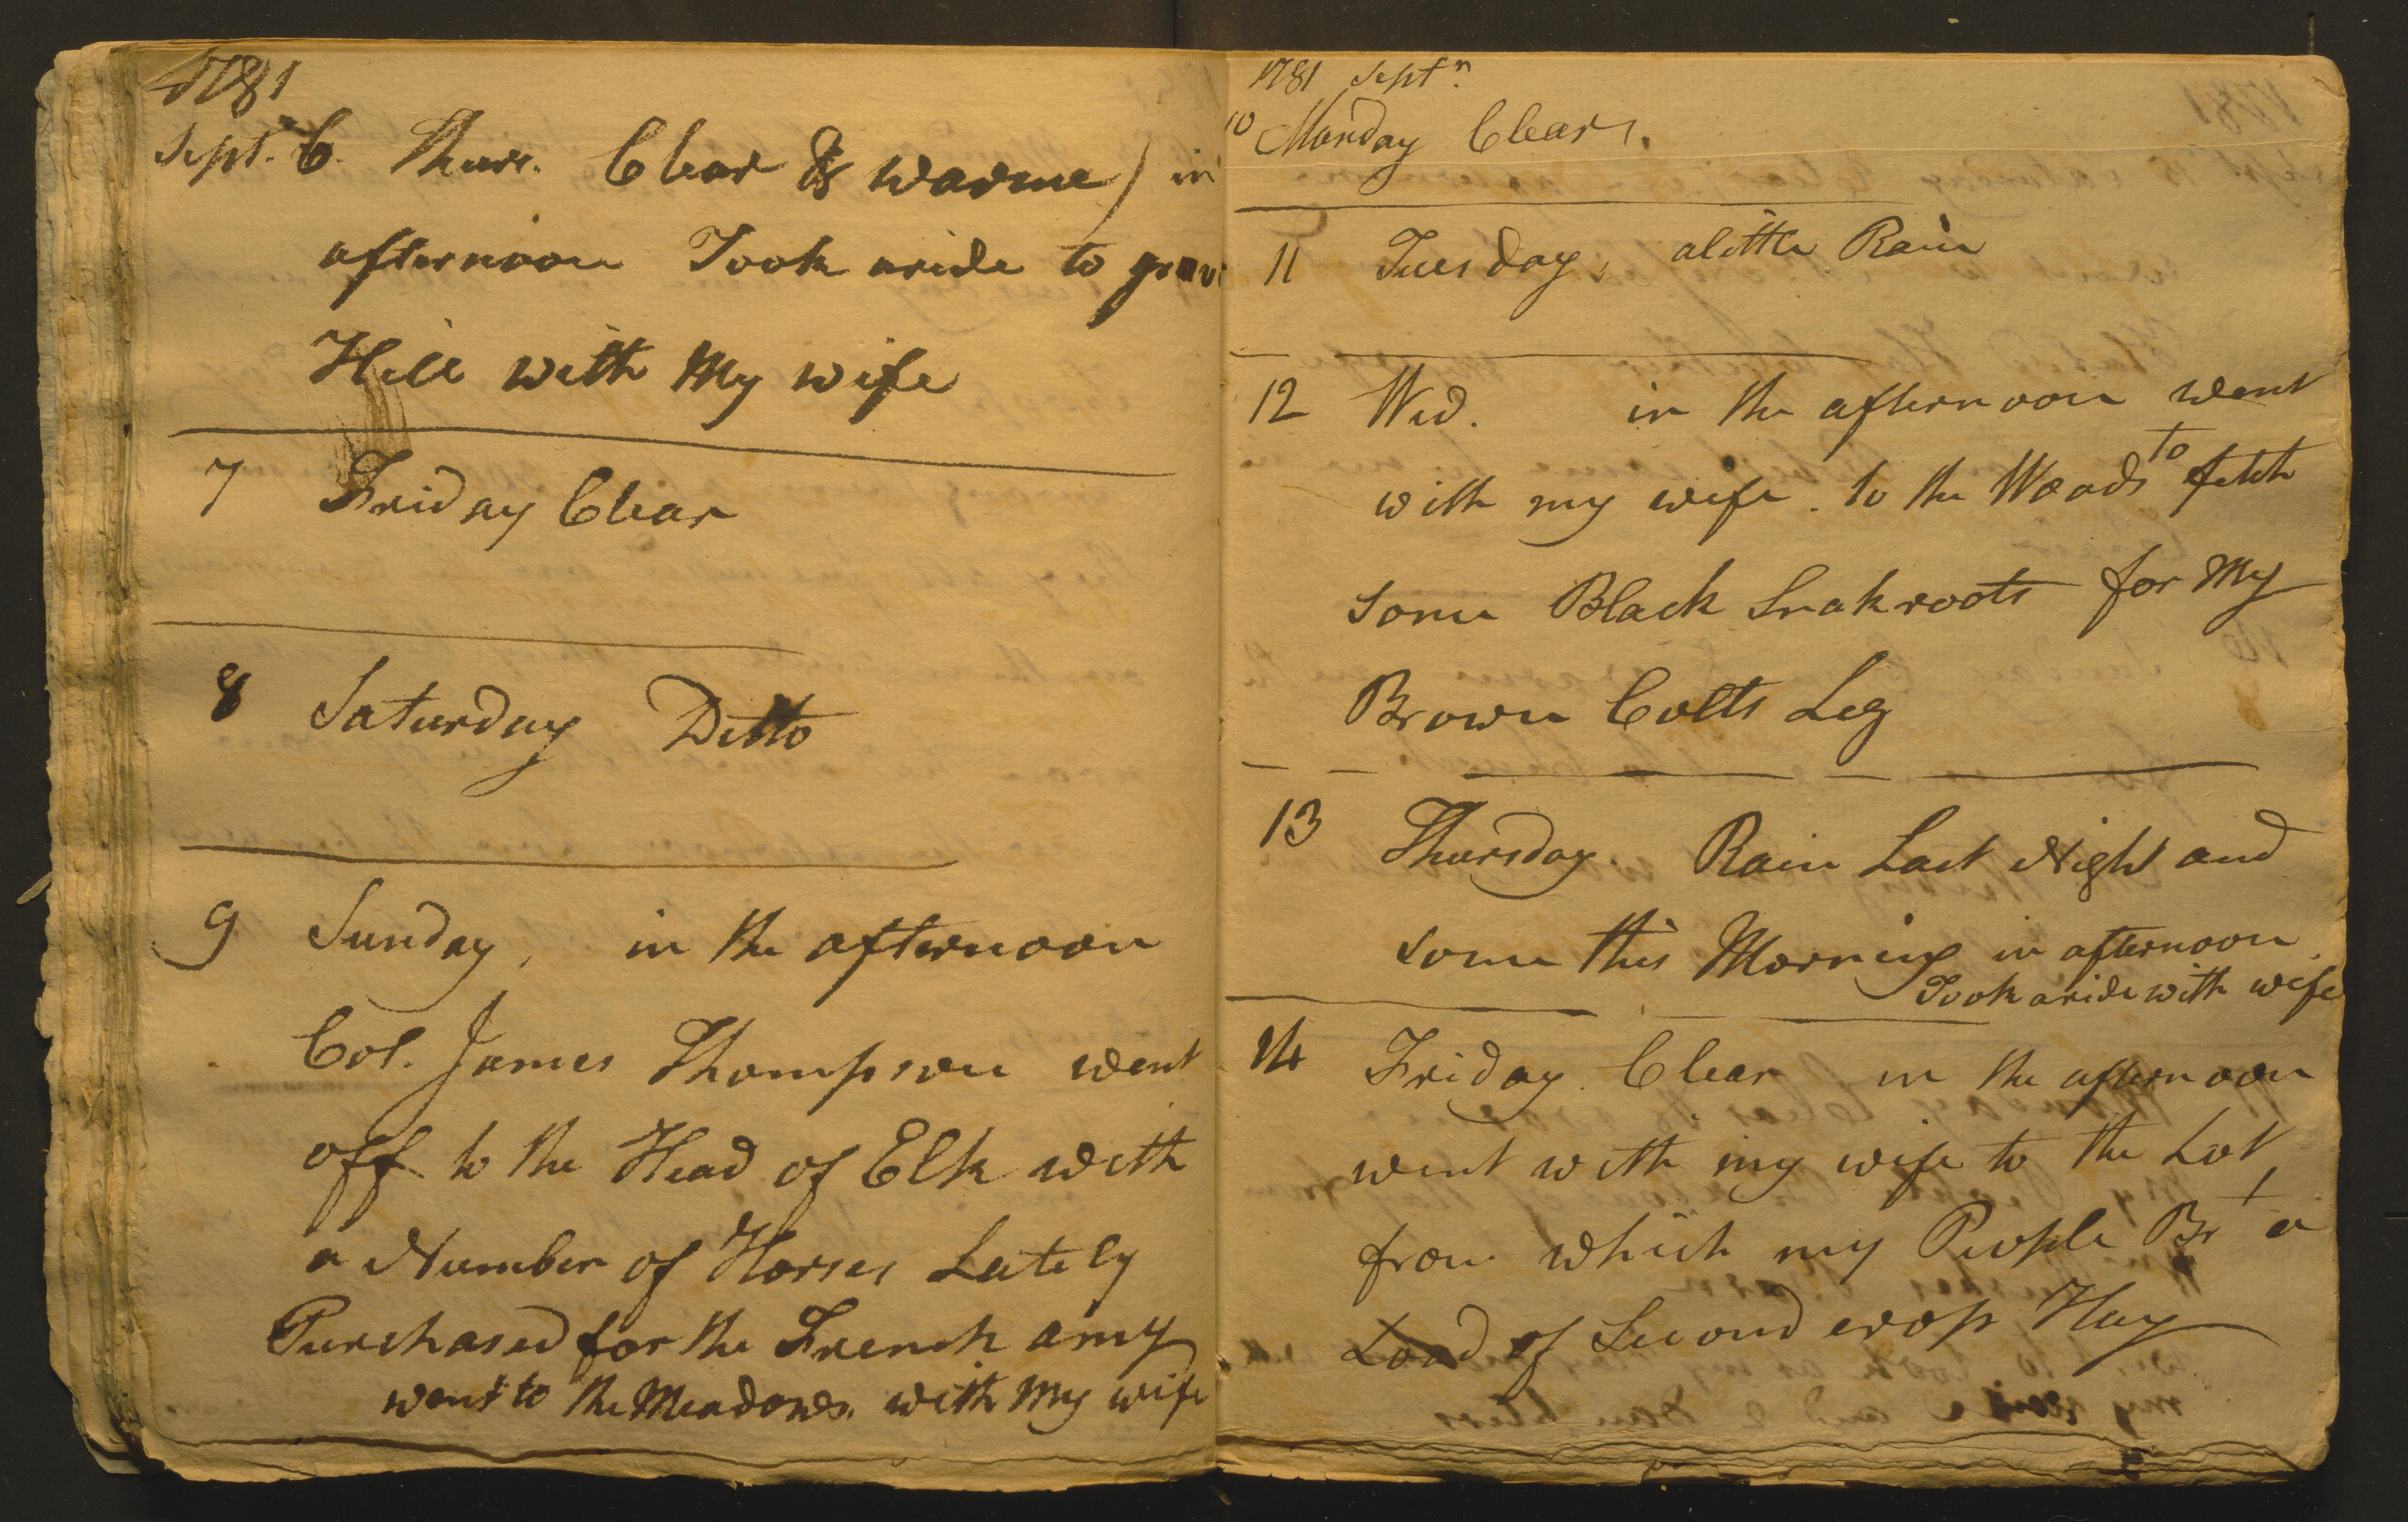1781
Sept^r. 6. Thurs. Clear & warme, in
afternoon Took a ride to grav
Hill with My wife
7 Friday Clear
8 Saturday Ditto
9 Sunday, in the afternoon
Col. James Thompson went
off to the Head of Elk with
a Number of Horses Lately
Purchased for the French amy
went to the Meadows. with My wife
1781 Sept^r.
10 Monday Clear
11 Tuesday, a little Rain
12 Wed. in the afternoon went
with my wife to the Woods ^to fetch
some Black Srakroots for My
Brown Colts Leg
13 Thursday. Rain Last Night and
some this Morning in afternoon
Took a ride with wife
14 Friday Clear, in the afternoon
went with my wife to the Lot
fron which my People Br^t a
Load of second crop Hay